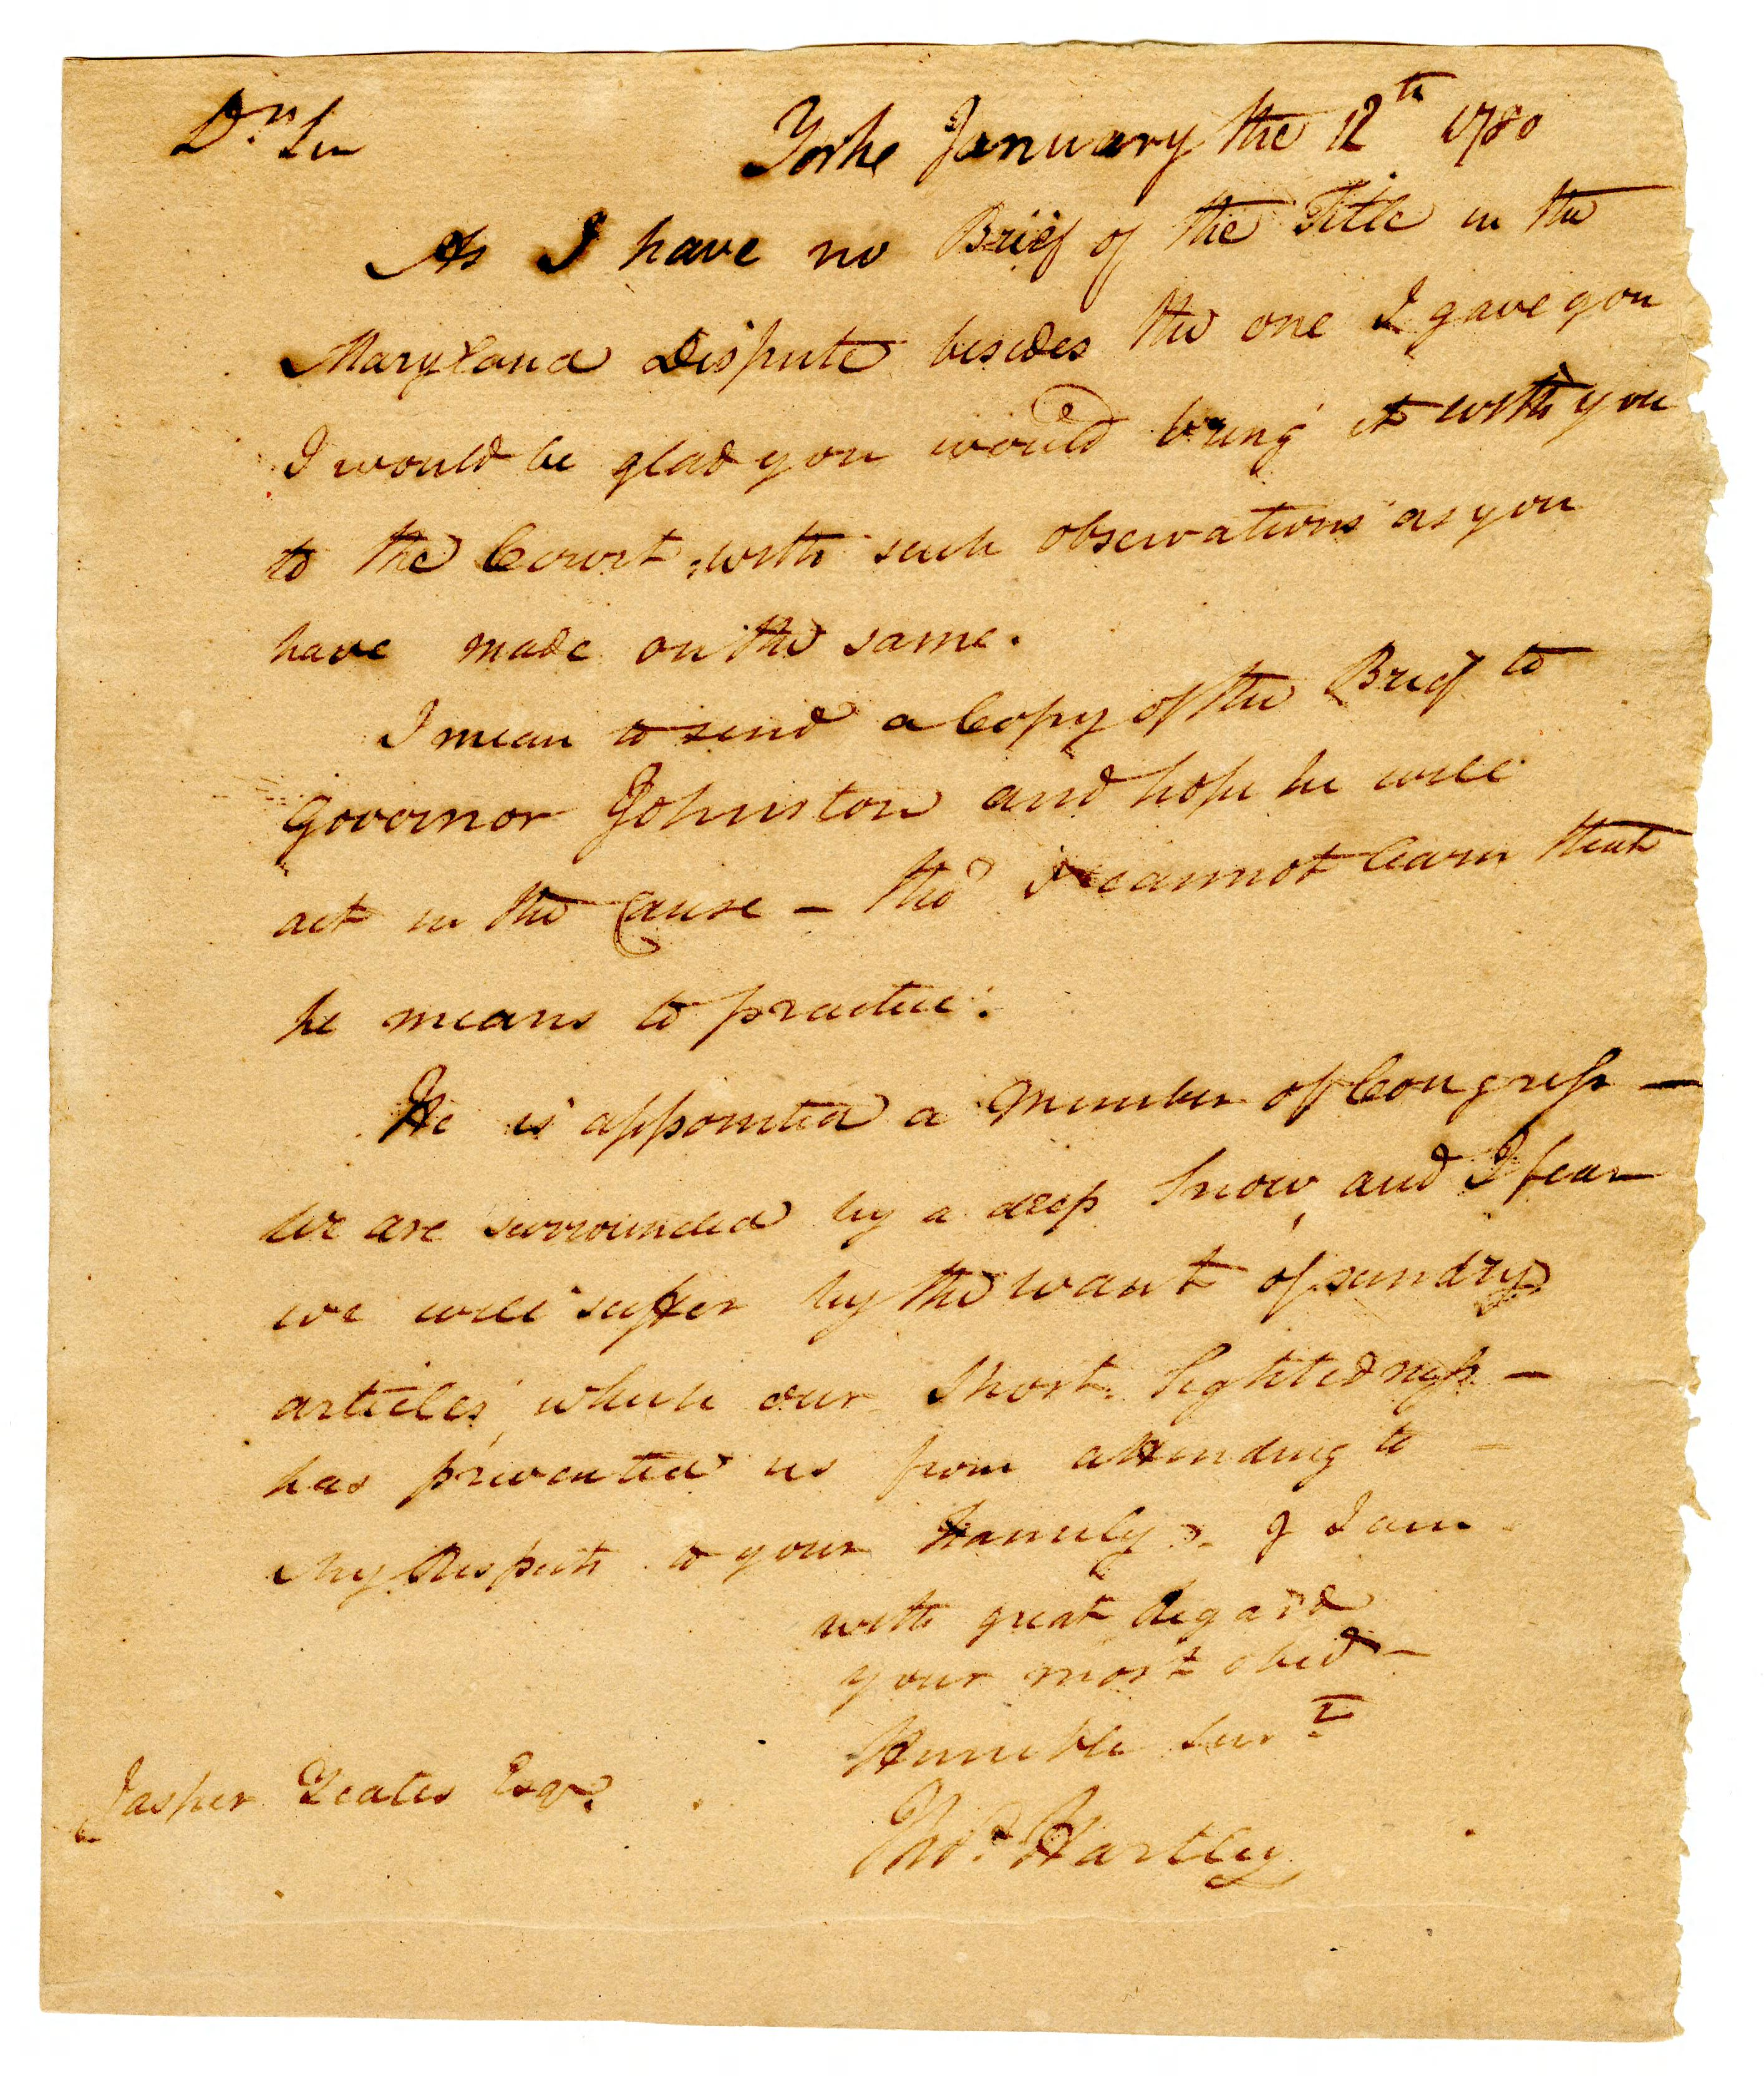Yorke January the 12^th 1780
D^r. Sir
As I have no Brief of the Title in the
Maryland Dispute besides the one I gave you
I would be glad you would bring it with you
to the Court, with such observations as you
have made on the same.
I mean to send a Copy of the Brief to
Govenor Johnston and hope he will
act in the Cause. Tho' I cannot learn What
he means to practice.
He is apponted a member of Congress.
we are surrounded by a deep snow and I fear
we will suffer by the want of sundry
articles which our short sightedness.
has prevented us from attending to
my Respects to your family. I am
with great Regard
your most obed^t
Humble Serv^t
Tho^s. Hartley
Jasper Yeates Esq^r